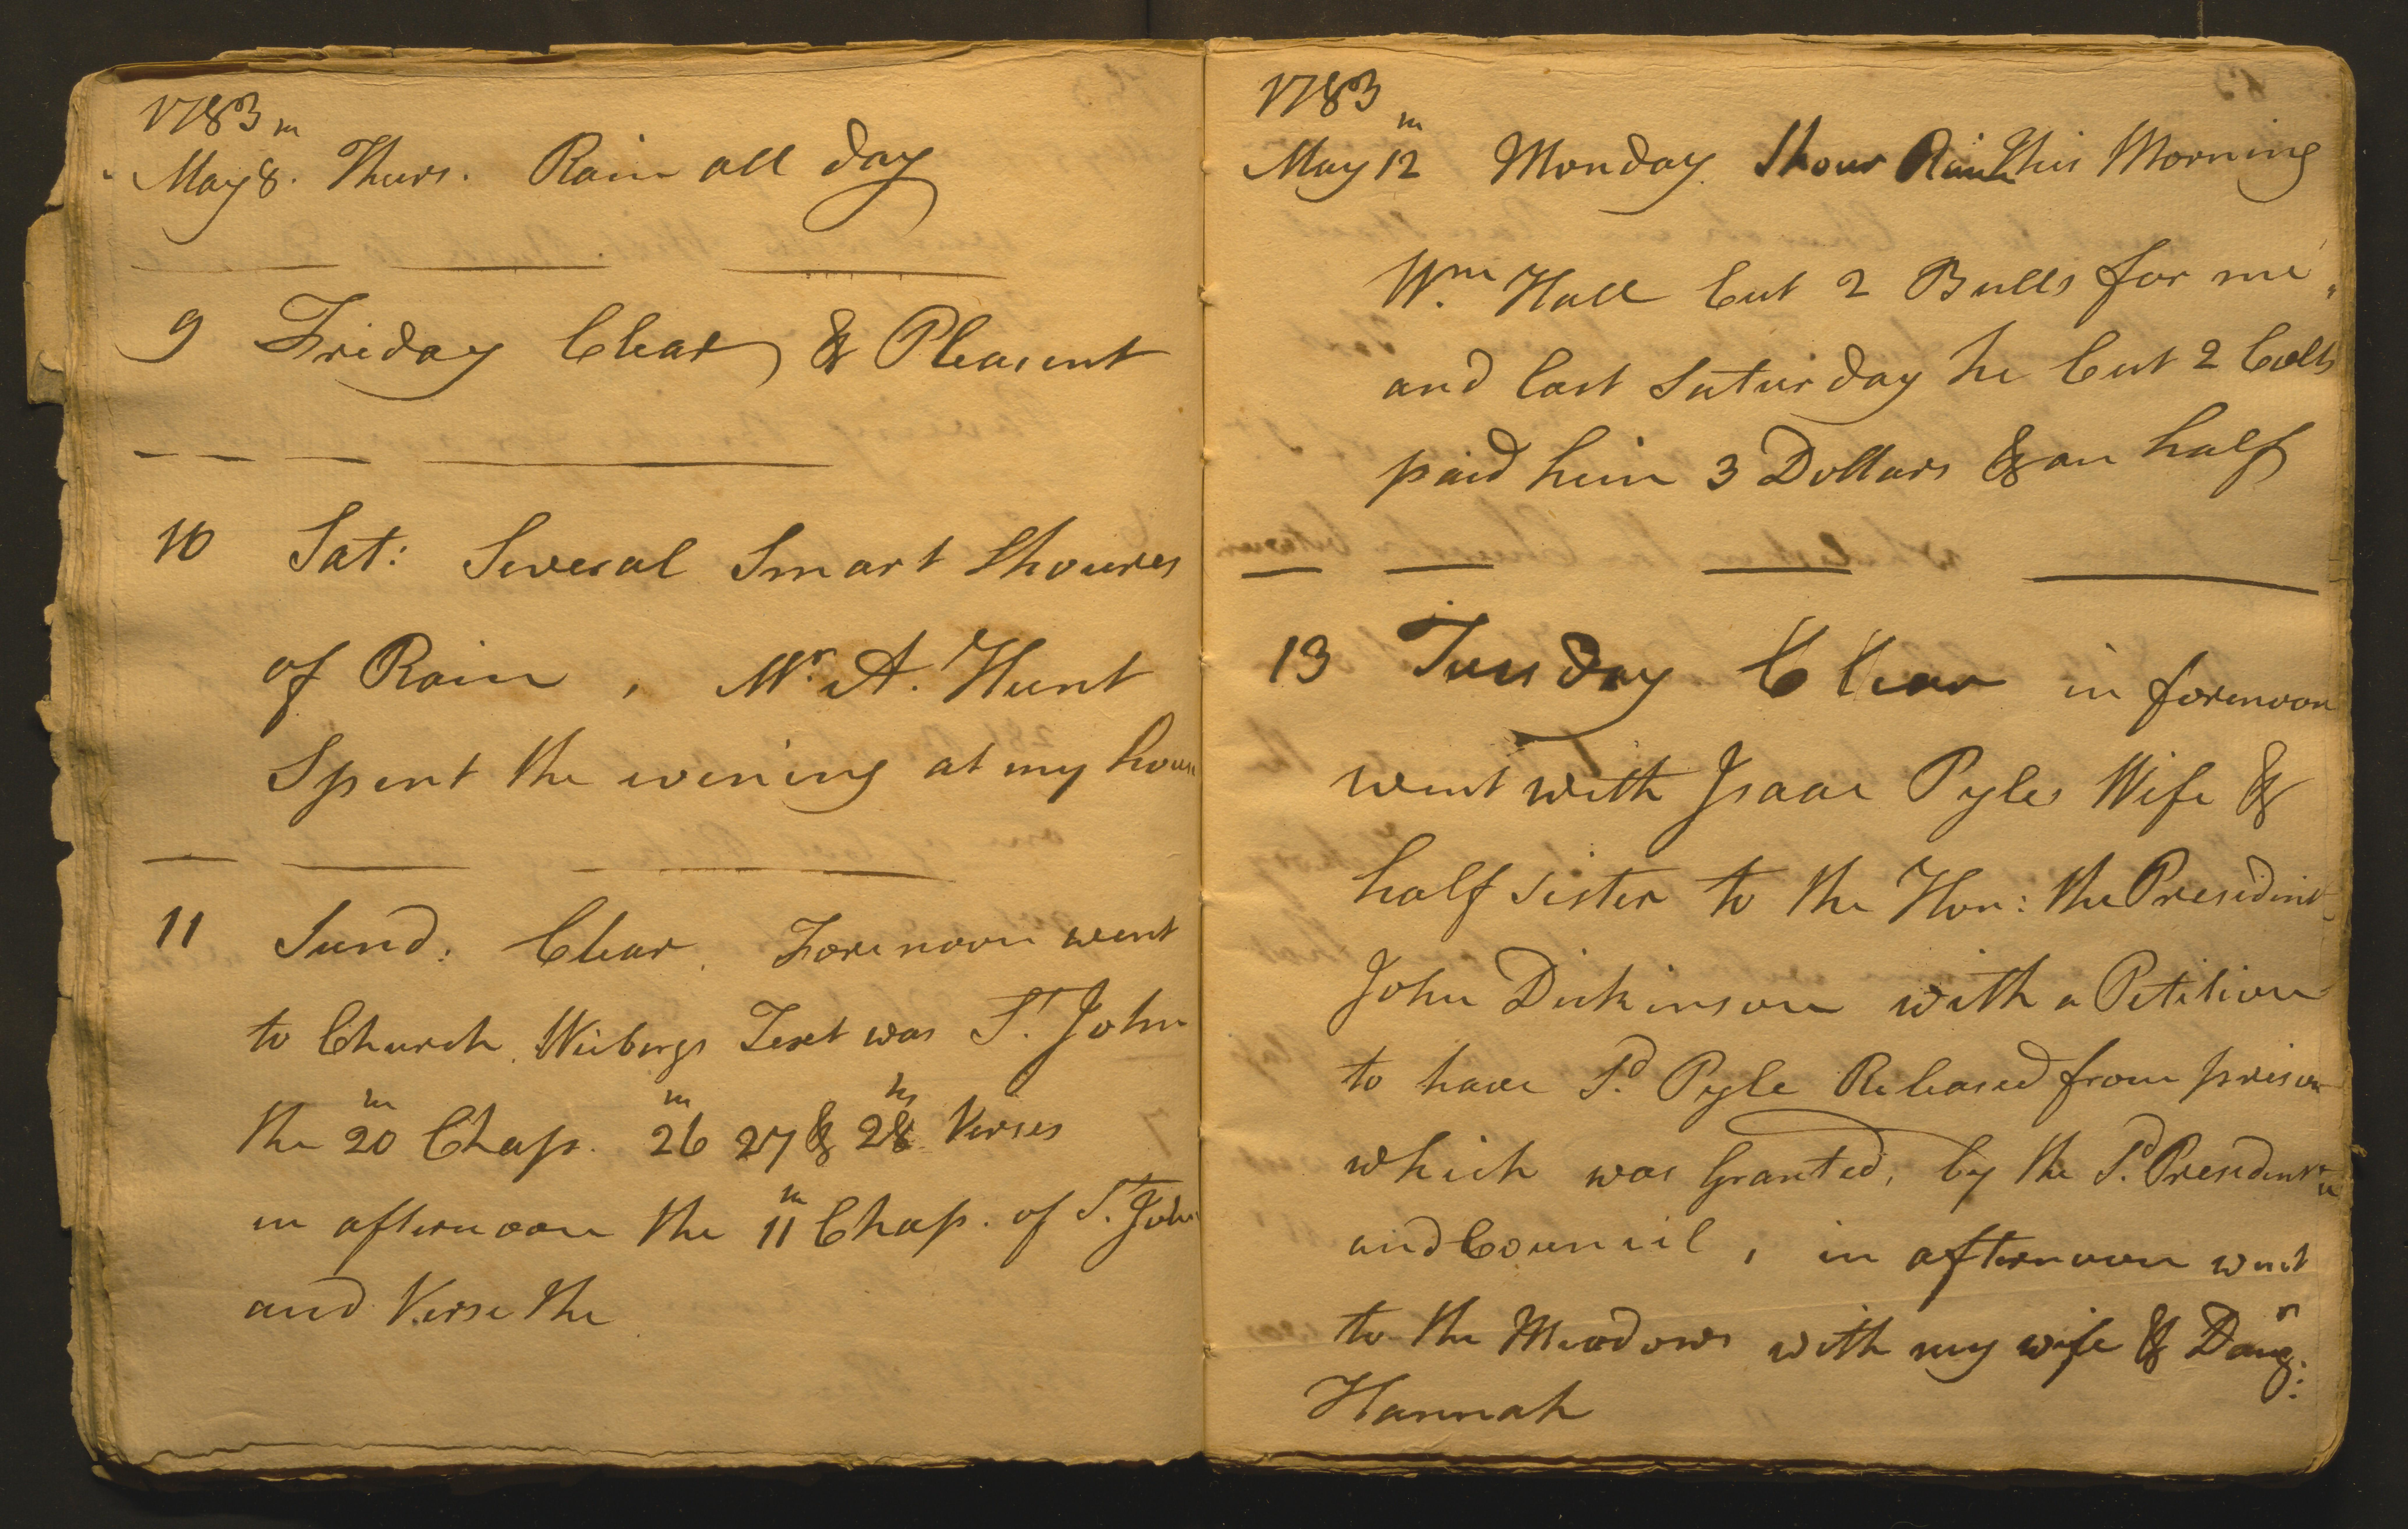1783
May 8th. Thurs. Rain all day
9 Friday Clear & Pleasent
10 Sat: Several Smart shoures
of Rain, M^r. A. Hunt
spent the evening at my house
11 Sund. Clear Forenoon went
to Church Weibings Text was S^t. John
the 20^th Chap. 26^th 27 & 28^th Verses
in afternoon the 11^th Chap. of S^t. John
and Verse the
1783
May 12^th Monday Shour Rain this Morning
W^m. Hall Cut 2 Bulls for me
and last Saturday he Cut 2 Colts
paid him 3 Dollars & an half
13 Tuesday Clear in forenoon
went with Isaac Pyles Wife &
half sister to the Hon: the President
John Dickinson with a Petition
to have s^d. Pyle Released from prison
which was Granted, by the s^d. President
and Council, in afternoon went
to the Meadow with my wife & Daug^r:
Hannah